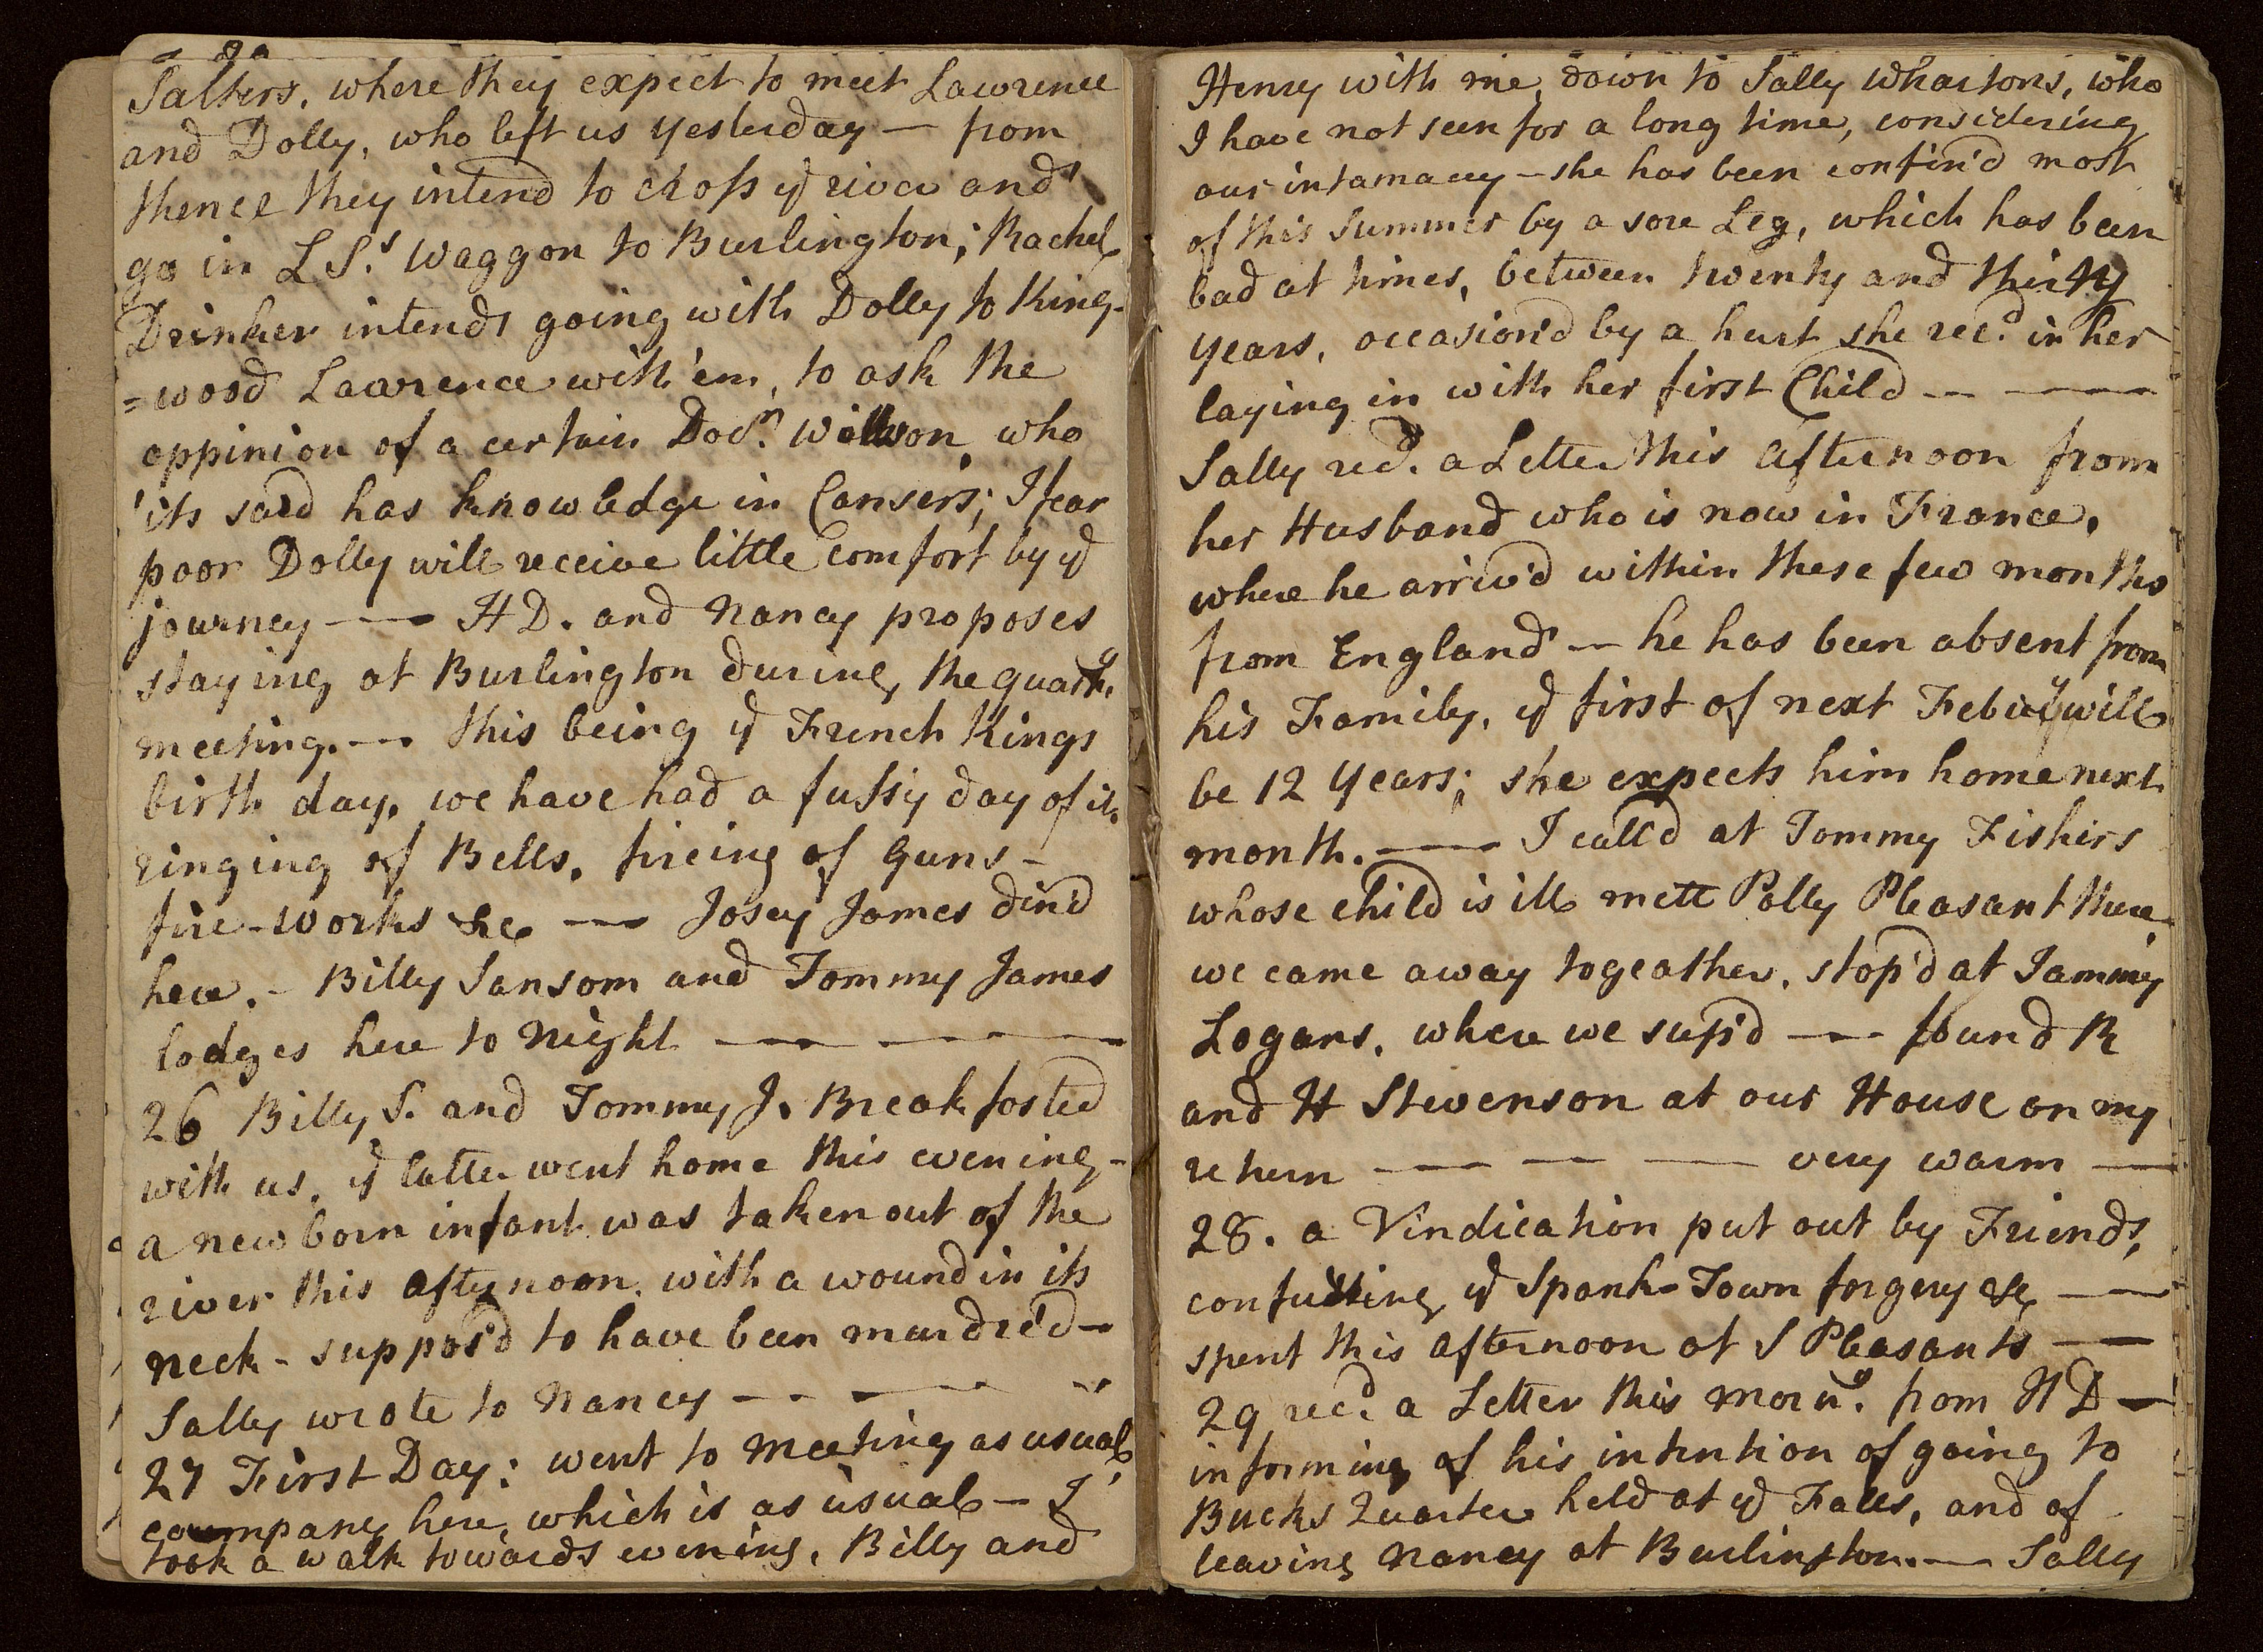Salters, where they expect to meet Lawrence
and Dolly, who left us yesterday- from
thence they intend to cross y^e river and
go in LS^s. Waggon to Burlington; Rachel
Drinker intends going with Dolly to King-
-wood Lawrence with 'em, to ask the
oppinion of a certain Doc^r. Willson who
its said has knowledge in Cansers; I fear
poor Dolly will receive little comfort by y^e
journey-- HD and Nancy proposes
staying at Burlington during, the quart^y.
meeting.- This being y^e French Kings
birth day, we have had a fussy day of it
ringing off Bells, fireing of Guns-
fire- works &c- Josey James din'd
here,- Billy Sansom and Tommy James
lodges here to Night-
26 Billy S. and Tommy J. Breakfasted
with us y^e latter went home this evening-
a new born infant was taken out of the
River this Afternoon with a wound in its
neck- suppos'd to have been murdre'd-
Sally wrote to Nancy--
27 First Day: went to meeting as usual
company here, which is as usual- I
took a walk towards evening, Billy and
Henry with me, down to Sally Whartons, who
I have not seen for a long time, considering
our intamacey- she has been confin'd most
of this Summer by a sore Leg, which has been
bad at times, between twenty and thirty
Years, occasion'd by a hurt she rec^d. in her
laying in with her first Child--
Sally rec.^d a Letter this afternoon from
her Husband who is now in France,
where he arriv'd within these few months
from England- he has been absent from
his Family, y^e first of next Febru^y will
be 12 years; she expects him home next
month.- I calld at Tommy Fishers
whose child is ill mett Polly Pleasant there
we came away togeather, stop'd at Tammy
Logans, where we sup'd- found [R]
and H Stevenson at our House on my
return---- very warm-
28. a Vindication put out by Friends,
con[sul]ting y^e Spank-Town forgery &c-
spent this afternoon of S Pleasants-
29 rec^d a Letter this morn^g. from HD-
informing of his intention of going to
Bucks Quarter held at y^e Falls, and of
leaving Nancy at Burlington- Sally